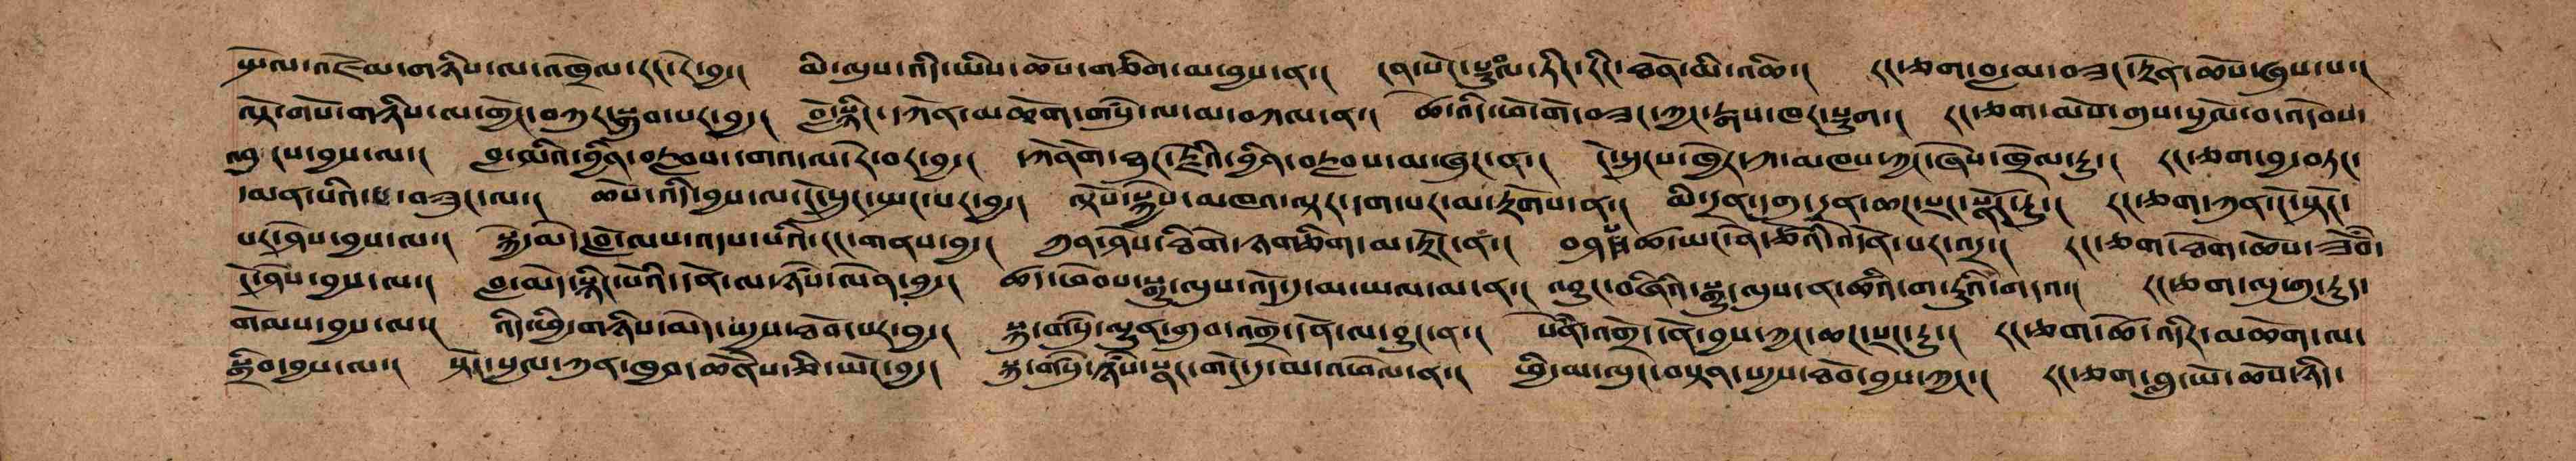སྤེལ་འཛོམ་གཉིས་ལ་འཁྲེལ་རང་རེ་བྱ།། མི་ལུས་འདི་ཡིས་ཆོས་གཅིག་མ་བྱས་ན།། ངན་སོང་སྡུག་བསྔལ་གཏིང་རིང་ཐོན་མི་འཆི།། རང་ཅག་བླ་མ་བཟང་རྟེན་ཆོས་ཞུས་པ།། 
ལྟོ་གོས་གཉིས་ལ་གྱོང་བཀུར་སྒྲུབ་པར་བྱ།། བློ་སྙིང་དཀོན་མཆོག་གསུམ་ལ་མ་བཀལ་ན།། ཚེ་འདི་ཕོ་སྒོ་བཟང་ཀྱང་རྒས་ཁར་སྡུག། རང་ཅག་མོས་གུས་གསོལ་འདེབས་
འབུངས་བྱས་ལ།། བླ་མའི་བྱིན་བརླབས་དགའ་ལ་རེ་བར་བྱ།། དཀོན་མཆོག་ཐུགས་རྗེའི་བྱིན་བརླབས་མ་ཞུགས་ན།། ངོ་སྲུང་ཁྱེར་ཀ་མཁས་ཀྱང་ཞེ་ཁྲེལ་རྒྱུ།། རང་ཅག་བྱ་བཏང་
དམན་པའི་ས་བཟུང་ལ།། ཆོས་འདི་བྱས་ལ་ངོ་སྲུང་སྤང་བར་བྱས།། ལྟོས་སྐྱེས་མཁའ་ལྟར་དག་པར་མ་རྟོགས་ན།། མི་དྲན་དགུ་དྲན་ཆགས་སྡང་སྣ་ཚོགས་རྒྱུ།། རང་ཅག་ཀུན་ངོ་སྟོང་
པར་ཤེས་བྱས་ལ།། སྐྱེ་མེད་བློ་ལས་འདས་པའི་ངང་གནས་བྱ།། ཀུན་ཤེས་ཐིག་ལེ་ཉག་གཅིག་མ་རྟོགས་ན།། བཤད་པ་ཚ་ཡང་ནེ་ཙོའི་འདོན་པ་འདྲ།། རང་ཅག་ཐེག་ཆོས་ཟབ་མོ་
ངོ་ཤེས་བྱས་ལ།། བླ་མེད་སྙིང་པོའི་དོན་ལ་ཉམས་ལེན་བྱ།། ཚད་ཕེབས་སྒྱུ་ལུས་འོད་དུ་མ་ཡལ་མ་ན།། འབྱུང་བཞིའི་སྒྱུ་ལུས་ན་ཚའི་ག་རུའུ་གདའ།། རང་ཅག་ལུ་གུ་རྒྱུད་
གོམས་བྱས་ལ།། འདི་ཕྱི་གཉིས་མེད་སངས་རྒྱས་ཐོབ་པར་བྱ།། སྐུ་གསུམ་ལྷུན་གྲུབ་འགྲོ་དོན་མ་བྱུང་ན།། སེམས་ཅན་འགྲོ་དོན་བྱས་ཀྱང་ཆགས་སྡང་རྒྱུ།། རང་ཅག་ཚེ་འདིར་མཆོག་ལ་
སྒྲིབ་བྱས་ལ།། སྟོང་གསལ་ཀུན་ཁྱབ་ཆེན་པོས་ཅི་ཡོང་བྱ།། སྐུ་གསུམ་ཉམས་སྣང་གོང་དུ་མ་འཕེལ་ན།། ཕྱི་མ་ལུང་བསྟན་སངས་རྒྱས་ཐོབ་བྱས་ཀྱང་།། རང་ཅག་བླུ་ཡོ་ཆོས་ཉིད་